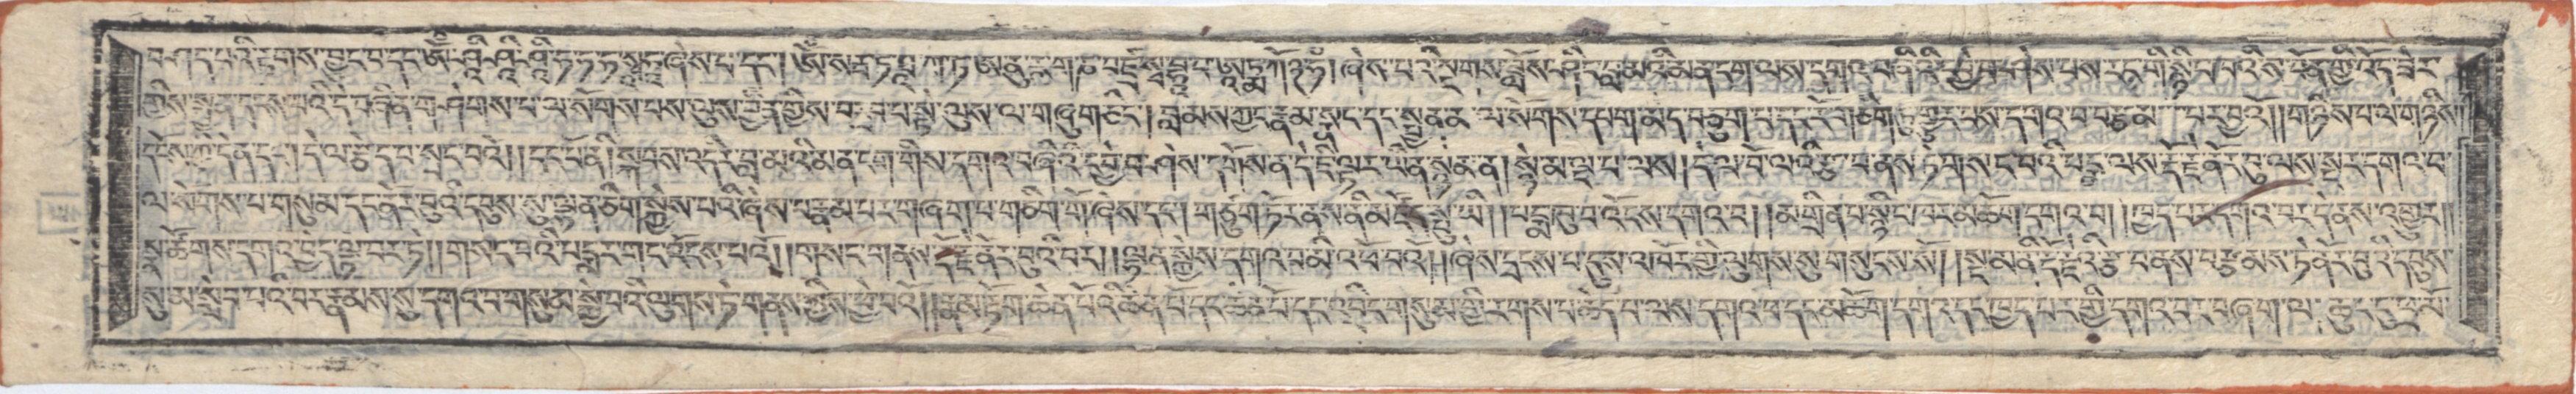བཤད་པའི་རྟགས་བྱུང་བ་དང་ཨོཾ་ཤཱི་ཤཱི་ཤཱི་ཧ་ཧ་ཧ་སྭཱ་ཧཱ་ཞེས་པ་དང་། ཨོཾ་སརྦ་ཏ་ཐཱ་ག་ཏ་ཨ་ནུ་རཱ་ག་ཎ་བཛྲ་སྭ་བྷཱ་བ་ཨཱཏྨ་ཀོཉ་ཧཾ། ཞེས་པའི་སྔགས་ཟློས་ཤིང་བླ་མའི་མན་ངག་ལས་དགའ་བཞིའི་དབྱེ་བ་ཤེས་པས་རང་གི་སྙིང་ཁའི་ས་བོན་གྱི་འོད་ཟེར་
གྱིས་སྤྱན་དྲངས་པའི་དྲེ་བཞིན་གཤེགས་པ་ལ་སོགས་པས་ལུས་བྱིན་གྱིས་བརླབ་པ་སྟེ་ལུས་ལ་གཞུག་ཅིང་། བླ་མས་ཀྱང་རྣམ་སྣང་དང་སྤྱན་མ་ལ་སོགས་དཔག་མེད་བཅུག་པ་དང་རོ་གཅིག་ཏུ་གྱུར་པས་དགའ་བ་བརྩམ་པར་བྱའོ། །གཉིས་པ་ལ་གཉིས་
དངོས་ཀྱི་དོན་དང་། དེ་ལ་རྩོད་པ་སྤང་བའོ། །དང་པོ་ནི། སྐབས་འདིར་བླ་མའི་མན་ངག་གིས་དགའ་བཞིའི་དབྱེ་བ་ཤེས་དགོས་ན་དེ་ཇི་ལྟར་ཡིན་སྙམ་ན། སྙེ་མ་ལྔ་པ་ལས། དེ་ལ་བོ་ལའི་རྩ་བ་ནས་ཏེ་གསང་བའི་པདམ་ལས་རྡོ་རྗེ་ནོར་བུ་ལས་སྔར་དགའ་བ་
ལ་སོགས་པ་གསུམ་དང་ནོར་བུའི་དབུས་སུ་ལྷན་ཅིག་སྐྱེས་པའི་ཞེས་པ་རྣམ་པར་གཞག་པ་གཅིག་གོ་ཞེས་དང་། གཙུག་ཏོར་ནས་ནི་མཛོད་སྤུ་ཡི། །པདམ་ཁུ་བ་འོངས་དགའ་བ། །མགྲིན་པ་སྙིང་ཁར་མཆོག་དགའ་བ། །ཁྱད་པར་དགའ་བར་དེ་ནས་འགྱུར།།
སྣ་ཚོགས་དགའ་བྱེད་ལྟེ་བར་ཏེ། །གསང་བའི་པདམར་གང་འོངས་པའོ། །གསང་གནས་རྡོ་རྗེ་ནོར་བུའི་བར། །ལྷན་སྐྱེས་དགའ་བ་མི་འཕོ་བའོ། །ཞེས་དྲངས་པ་དུས་འཁོར་གྱི་ལུགས་སུ་གསུངས་སོ། །སྔ་མ་ནི་རྡོ་རྗེའི་རྩ་བ་ནས་བརྩམས་ཏེ་ནོར་བུའི་དབུས་
སུ་མ་སླེབ་པའི་བར་རྣམས་སུ་དགའ་བ་གསུམ་སྐྱེ་བའི་ལུགས་ཏེ་གནས་ཀྱིས་ཕྱེ་བའོ། །རྣམ་རྟོག་ཆེན་པོའི་ཆེན་པོ་དང་ཆེན་པོ་དང་འབྲིང་གསུམ་གྱི་རགས་པ་ཆོད་པ་ལས་དགའ་བ་དང་མཆོག་དགའ་དང་ཁྱད་པར་གྱི་དགའ་བར་བཞག་ལ། ཆུང་ངུ་ཕྲ་མོ་